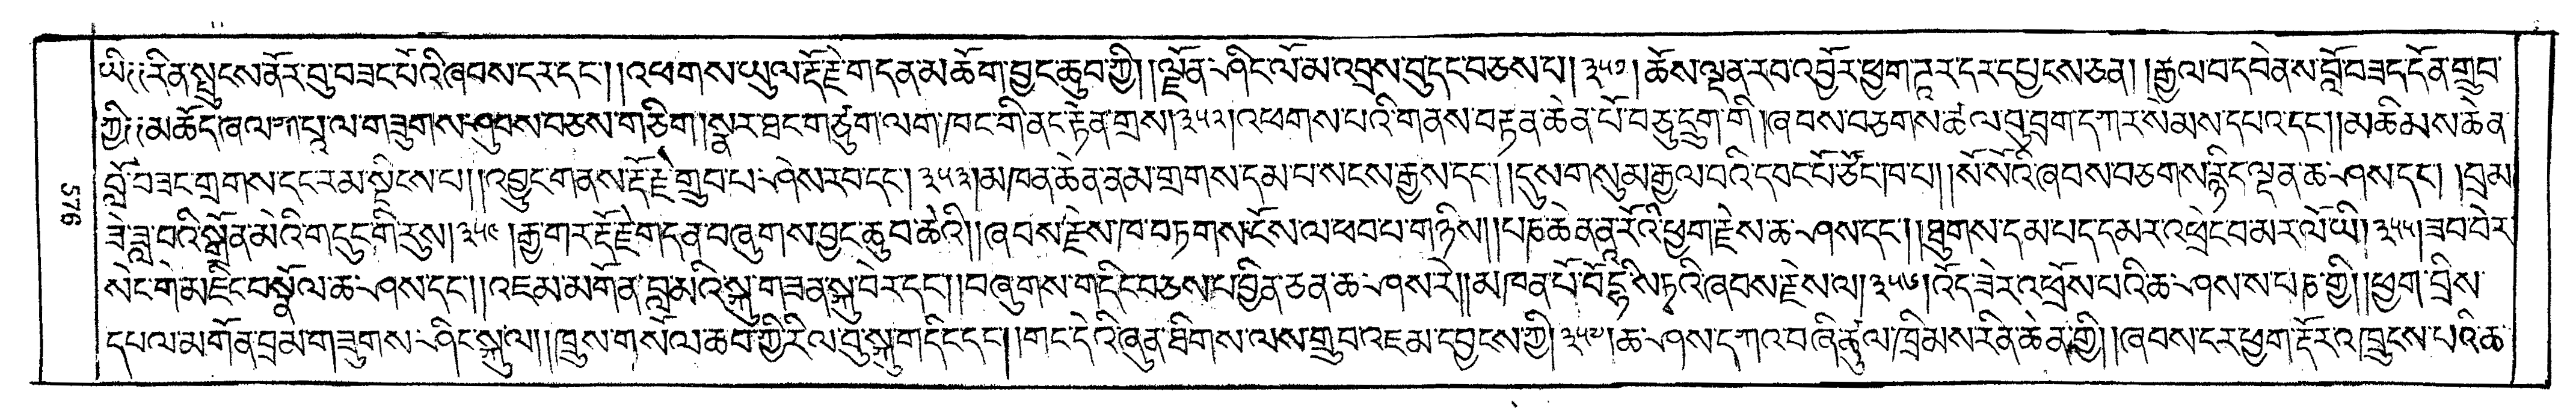ཡི༑ ༑རིན་སྤུངས་ནོར་བུ་བཟང་པོའི་ཞབས་ངར་དང་། །འཕགས་ཡུལ་རྡོ་རྗེ་གདན་མཆོག་བྱང་ཆུབ་ཀྱི། །ལྗེན་ཤིང་ལོ་མ་འབྲས་བུ་དང་བཅས་པ། ༣༥༡་།ཆོས་ལྡན་རབ་འབྱོར་ཕྱག་ཌཱ་ར་དར་དཔྱངས་ཅན། །རྒྱལ་བ་དབེན་ས་བློ་བཟང་དོན་གྲུབ་
ཀྱི༑ ༑མཆོད་ཞལ་ཀ་པཱ་ལ་གཟུགས་ཤུབས་བཅས་གཅིག །སྣར་ཐང་གཙུག་ལག་ཁང་གི་ནང་རྟེན་གྲས། ༣༥༢་།འཕགས་པའི་གནས་བརྟན་ཆེན་པོ་བཅུ་དྲུག་གི །ཞབས་བཅགས་ཚལ་བུ་བྲག་དཀར་སེམས་དཔའ་དང་། །མཆིམས་ཆེན་
བློ་བཟང་གྲགས་དང་རམ་སྡིངས་པ། །འབྱུང་གནས་རྡོ་རྗེ་གྲུབ་པ་ཤེས་རབ་དང་། ༣༥༣་།མཁན་ཆེན་ནམ་གྲགས་དམ་པ་སངས་རྒྱས་དང་། །དུས་གསུམ་རྒྱལ་བའི་དབང་བོ་ཙོང་ཁ་པ། །སོ་སོའི་ཞབས་བཅགས་རྙིང་ལྡན་ཆ་ཤས་དང་། །པྲམ་
ཟེ་ཟླ་བའི་སྒྲོན་མེའི་གདུང་གི་རུས། ༣༥༤་།རྒྱ་གར་རྡོ་རྗེ་གདན་བཞུགས་བྱང་ཆུབ་ཆེའི། །ཞབས་རྗེས་ཁ་བཏགས་ངོས་ལ་ཕབ་པ་གཉིས། །པཎ་ཆེན་ནཱ་རོའི་ཕྱག་རྗེ་ས་ཆ་ཤས་དང་། །ཐུགས་དམ་པ་དང་དམར་འཕྲེང་བ་མར་ལོ་ཡི། ༣༥༥་།ཟབ་བེར་
སེང་གེ་མཇིང་བསྣོལ་ཆ་ཤས་དང་། །འཇམ་མགོན་བླ་མའི་སྐུ་གཟན་སྐུ་བེར་དང་། །བཞུགས་གདིང་བཅས་པ་བྱིན་ཅན་ཆ་ཤས་རེ། །མཁན་པོ་བོ་དྷ་སིཏྭའི་ཞབས་རྗེས་ལ། ༣༥༦་།འོད་ཟེར་འཕྲོས་པའི་ཆ་ཤས་པཎ་གྱི། །ཕྱག་བྲིས་
དཔལ་མགོན་བྲམ་གཟུགས་ཤིང་སྐུ་ལ། །ཁྲུས་གསོལ་ཆབ་ཀྱི་རིལ་བུ་སྐུ་གདིང་དང་། །གང་དེའི་ཞུན་ཐིགས་ལས་གྲུབ་འཇམ་དབྱངས་ཀྱི། ༣༥༧་།ཆ་ཤས་དཀའ་བཞི་ཚུལ་ཁྲིམས་རིན་ཆེན་གྱི། །ཞབས་ངར་ཕྱག་རྡོར་འཁྲུངས་པའི་ཆ་